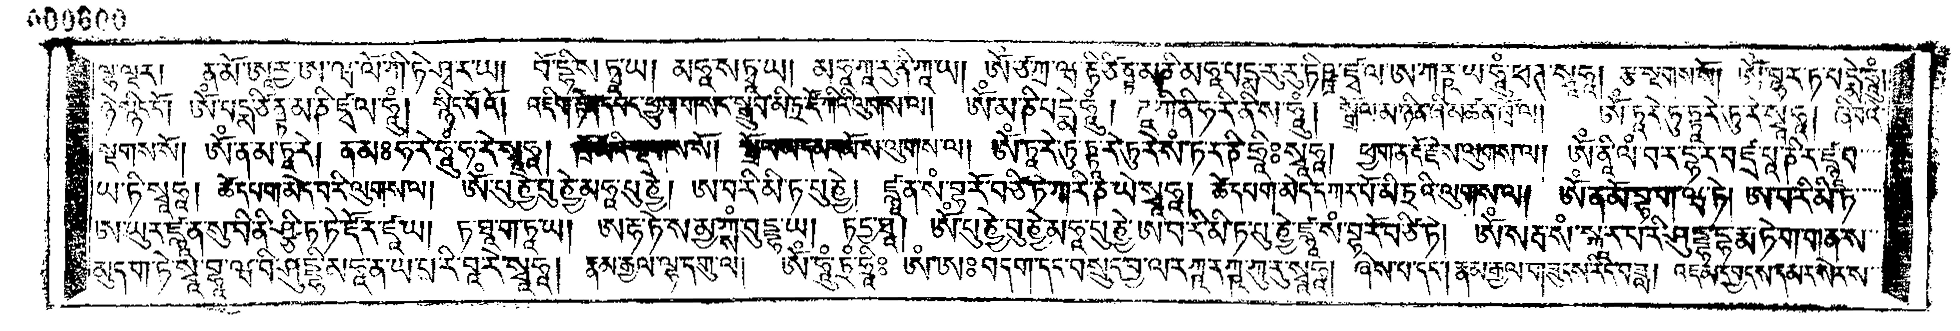ལྷ་ལྔར། ན་མོ་ཨཱརྱ་ཨ་ཝ་ལོ་ཀི་ཏེ་ཤྭ་ར་ཡ། བོ་དྷི་ས་ཏྭཱ་ཡ། མཧཱ་ས་ཏྭཱ་ཡ། མཧཱ་ཀཱ་རུ་ནི་ཀཱ་ཡ། ཨོཾ་ཙ་ཀྲ་ཝ་རྟི་ཙིནྟ་མ་ཎི་མ་ཧཱ་པདམ་རུ་རུ་ཏིཥཊཿཨ་ཛྭ་ལ་ཨ་ཀརྵ་ཡ་ཧཱུཾ་ཕཊ་སྭཱཧཱ། རྩ་སྔགས་སོ།  ཨོཾ་བྷ་ར་ཏ་པདམེ་ཧཱུཾ།
ཉེ་སྙིང་ངོ། ཨོཾ་པདམ་ཙིནྟ་མ་ཎི་ཛྭ་ལ་ཧཱུཾ། སྙིང་པོའོ། འཇིག་རྟེན་དབང་ཕྱུག་གསང་སྒྲུབ་མི་ཏྲ་ཛོ་ཀིའི་ལུགས་ལ།  ཨོཾ་མ་ཎི་པདམེ་ཧཱུཾ། ཌཱ་ཀི་ནི་ཧ་རི་ནི་ས་ཧཱུཾ། སྒྲོལ་མ་ཉིན་ཞི་མཚན་ཁྲོ་ལ།  ཨོཾ་ཏཱ་རེ་ཏུ་ཏྟཱ་རེ་ཏུ་རེ་སྭཱཧཱ། ཞི་བའི་
སྔགས་སོ། ཨོཾ་ན་མ་ཏཱ་རེ། ན་མཿ ཧ་རེ་ཧཱུཾ་ཧ་རེ་སྭཱཧཱ། ཁྲོ་མོའི་སྔགས་སོ། སྒྲོལ་མ་དམར་མོ་ས་ལུགས་ལ།  ཨོཾ་ཏཱ་རེ་ཏུ་ཏྟཱ་རེ་ཏུ་རེ་སཾ་ཏ་ར་ཎི་ཧྲཱིཿ སྭཱཧཱ། ཕྱག་ན་རྡོ་རྗེས་ལུགས་ལ།  ཨོཾ་ནཱི་ལཾ་བ་ར་དྷ་ར་བཛྲ་པཱ་ཎི་ར་ཛྙཱ་བ་
ཡ་ཏི་སྭཱཧཱ། ཚེ་དཔག་མེད་བ་རི་ལུགས་ལ།  ཨོཾ་པུ་ཎྱེ་པུཎྱེ་མཧཱ་པུཎྱེ། ཨ་བ་རི་མི་ཏ་པུཎྱེ། ཛྙཱ་ན་སཾ་བྷ་རོ་བ་ཙི་ཏེ་ཀ་རི་ཎ་ཡེ་སྭཱཧཱ། ཚེ་དཔག་མེད་དཀར་པོ་མི་ཏྲའི་ལུགས་ལ།  ཨོཾ་ན་མོ་བྷ་ག་ཝ་ཏེ། ཨ་བ་རི་མི་ཏ་
ཨ་ཡུར་ཛྙཱ་ན་སུ་བི་ནི་ཤྩི་ཏ་ཏེ་ཛོ་ར་ཛཱ་ཡ། ཏ་ཐཱ་ག་ཏཱ་ཡ། ཨ་རྷ་ཏེ་ས་མྱ་ཀྶཾ་བུདྡྷ་ཡ། ཏ་དྱ་ཐཱ། ཨོཾ་པུཎྱེ་པུཎྱེ་མ་ཧཱ་པུཎྱེ་ཨ་བ་རི་མི་ཏ་པུ་ཎྱེ་ཛྙཱ་སཾ་བྷ་རོ་བ་ཙི་ཏེ། ཨོཾ་སརྦ་སཾ་སྐཱ་ར་པ་རི་ཤུདྡྷ་དྷརྨ་ཏེ་ག་ག་ན་ས་
མུད་ག་ཏེ་སྭཱ་བྷཱ་ཝ་བི་ཤུདྡྷི་མཧཱ་ན་ཡ་པ་རི་བཱ་རེ་སྭཱཧཱ། རྣམ་རྒྱལ་ལྷ་དགུ་ལ།  ཨོཾ་ཧཱུཾ་ཏྲཾ་ཧྲཱིཿ ཨཾ་ཨཿ བདག་དང་བསྲུང་བྱ་ལ་རཀྵ་རཀྵ་ཀུ་རུ་སྭཱཧཱ། ཞེས་པ་དང་། རྣམ་རྒྱལ་གཟུངས་རིང་བཟླ། འཇམ་དབྱངས་དམར་སེར་ས་